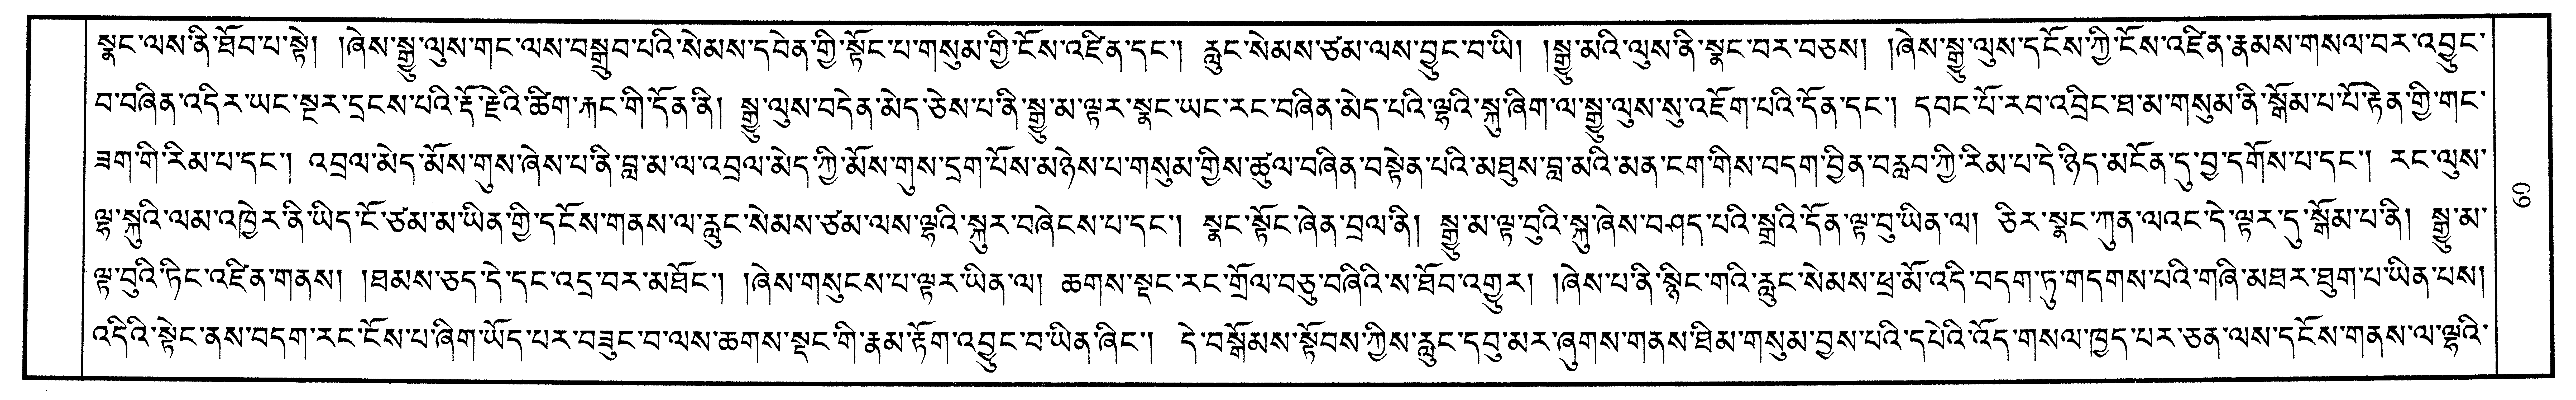སྣང་ལས་ནི་ཐོབ་པ་སྟེ། །ཞེས་སྒྱུ་ལུས་གང་ལས་བསྒྲུབ་པའི་སེམས་དབེན་གྱི་སྟོང་པ་གསུམ་གྱི་ངོས་འཛིན་དང་། རླུང་སེམས་ཙམ་ལས་བྱུང་བ་ཡི། །སྒྱུ་མའི་ལུས་ནི་སྣང་བཅས། །ཞེས་སྒྱུ་ལུས་དངོས་ཀྱི་ངོས་འཛིན་རྣམས་གསལ་བར་འབྱུང་
བ་བཞིན་འདིར་ཡང་སྔར་དྲངས་པའི་རྡོ་རྗེའི་ཚིག་རྐང་གི་དོན་ནི། སྒྱུ་ལུས་བདེན་མེད་ཅེས་པ་ནི་སྒྱུ་མ་ལྟར་སྣང་ཡང་རང་བཞིན་མེད་པའི་ལྷའི་སྐུ་ཞིག་ལ་སྒྱུ་ལུས་སུ་འཇོག་པའི་དོན་དང་། དབང་པོ་རབ་འབྲིང་ཐ་མ་གསུམ་ནི་སྒོམ་པ་པོ་རྟེན་གྱི་གང་
ཟག་གི་རིམ་པ་དང་། འབྲལ་མེད་མོས་གུས་ཞེས་པ་ནི་བླ་མ་ལ་འབྲལ་མེད་ཀྱི་མོས་གུས་དྲག་པོས་མཉེས་པ་གསུམ་གྱིས་ཚུལ་བཞིན་བསྟེན་པའི་མཐུས་བླ་མའི་མན་ངག་གིས་བདག་བྱིན་བརླབ་ཀྱི་རིམ་པ་དེ་ཉིད་མངོན་དུ་བྱ་དགོས་པ་དང་། རང་ལུས་
ལྷ་སྐུའི་ལམ་འཁྱེར་ནི་ཡིད་ངོ་ཙམ་མ་ཡིན་གྱི་དངོས་གནས་ལ་རླུང་སེམས་ཙམ་ལས་ལྷའི་སྐུར་བཞེངས་པ་དང་། སྣང་སྟོང་ཞེན་བྲལ་ནི། སྒྱུ་མ་ལྟ་བུའི་སྐུ་ཞེས་བཤད་པའི་སྒྲའི་དོན་ལྟ་བུ་ཡིན་ལ། ཅིར་སྣང་ཀུན་ལའང་དེ་ལྟར་དུ་སྒོམ་པ་ནི། སྒྱུ་མ་
ལྟ་བུའི་ཏིང་འཛིན་གནས། །ཐམས་ཅད་དེ་དང་འདྲ་བར་མཐོང་། །ཞེས་གསུངས་པ་ལྟར་ཡིན་ལ། ཆགས་སྡང་རང་གྲོལ་བཅུ་བཞིའི་ས་ཐོབ་འགྱུར། །ཞེས་པ་ནི་སྙིང་གའི་རླུང་སེམས་ཕྲ་མོ་འདི་བདག་ཏུ་གདགས་པའི་གཞི་མཐར་ཐུག་པ་ཡིན་པས།
འདིའི་སྟེང་ནས་བདག་རང་ངོས་པ་ཞིག་ཡོད་པར་བཟུང་བ་ལས་ཆགས་སྡང་གི་རྣམ་རྟོག་འབྱུང་བ་ཡིན་ཞིང་། དེ་བསྒོམས་སྟོབས་ཀྱིས་རླུང་དབུ་མར་ཞུགས་གནས་ཐིམ་གསུམ་བྱས་པའི་དཔེའི་འོད་གསལ་ཁྱད་པར་ཅན་ལས་དངོས་གནས་ལ་ལྷའི་